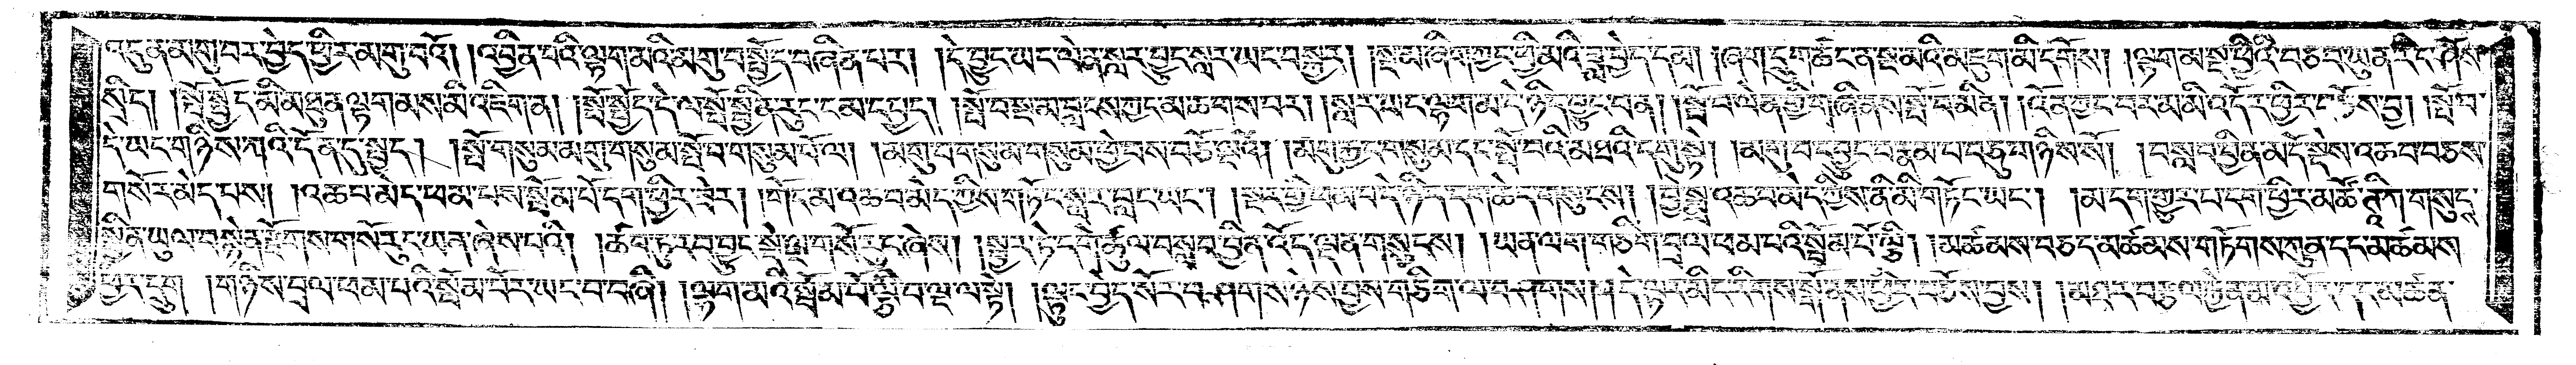འདུན་མགུ་བར་བྱེད་ཕྱིར་མགུ་བའོ། །འབྱིན་པའི་ལྟག་མའི་མགུ་བ་སྤྱོད་བཞིན་པར། །དེ་བྱུང་ཡང་ལེན་སླར་བྱུང་སླར་ཡང་བསྐྱར། །སྔ་མ་ཞིག་ཀྱང་ཕྱི་མའི་ཟླ་བྱེད་དམ། །ཞག་དྲུག་ཚང་ན་སྔ་མའི་མཇུག་མི་དགོས། །ལྟག་མ་སྔ་ཕྱིའི་བཅབ་ཡུན་རིང་ཤོས་
སྲིད། །སྤོ་སྤྱོད་མི་མཐུན་ལྷག་མས་མི་འཇིག་ན། །སྤོ་སྤྱོད་དེ་ལ་སྤོ་སྦྱིན་རུང་ངམ་དཔྱད། །སྤོ་བ་སྔ་མ་བླངས་ཀྱང་མ་ཆགས་པར། །སླར་ཡང་ལྷག་མ་དེ་ཉིད་བྱུང་བ་ན། །སྤོ་བ་ལེན་གྱི་གཞི་ནས་སྤོ་བ་མིན། །འོན་ཀྱང་བར་མ་མི་འདོར་ཕྱིར་བཅོས་བྱ། །སྤོ་བ་
དེ་ཡང་གཉིས་ཀའི་དོན་དུ་སྤྱད། །སྤོ་གསུམ་མགུ་གསུམ་སྤོ་བ་གསུམ་པོ་ལ། །མགུ་བ་གསུམ་གསུམ་ཕྱེ་བས་བཅོ་ལྔའོ། །མགུ་རྐྱང་གསུམ་དང་སྤོ་བའི་མཐའི་དགུ་སྟེ། །མགུ་བ་དབྱུང་བ་རྣམ་པ་བཅུ་གཉིས་སོ། །བསླབ་བྱིན་མདོ་སྡེས་འཆབ་བཅས་
གསོར་མེད་པས། །འཆབ་མེད་ཕམ་པས་སྦོམ་པོ་དག་ཕྱིར་ཟེར། །གོང་མ་འཆབ་མེད་ཀྱིས་གཏོང་སླར་བླང་ཡང་། །སྔར་གྱི་ཕམ་པ་དེ་ཉིད་དག་ཆེད་གསུངས། །བྱེ་སྨྲ་འཆབ་མེད་ཀྱིས་ནི་མི་གཏོང་ཡང་། །མ་དག་གྱུར་པ་དག་ཕྱིར་མཚོ་ཊཱིཀ་གསུངས་
སྦྱིན་ཡུལ་བསྙེན་རྫོགས་གསོ་རུང་ཡན་ཞེས་པའི། །ཚབ་ཏུ་རབ་བྱུང་སྡེ་ལྔ་གསོ་རུང་ཞེས། །སྦྱར་ཏེ་དགེ་ཚུལ་བསླབ་བྱིན་འོད་ལྡན་གསུངས། །ཡན་ལག་གཅིག་བྲལ་ཕམ་པའི་སྦོམ་པོ་ལྕི། །མཚམས་བཅད་མཚམས་གཏོགས་ཀུན་དང་མཚམས་
ཕྱིར་དྲུག །གཉིས་བྲལ་ཕམ་པའི་སྦོམ་པོར་ཡང་པ་བཞི། །ལྷག་མའི་སྦོམ་པོ་ལྕི་བ་ལྔ་ལ་སྟེ། །ལྟུང་བྱེད་སོར་བཤགས་ཉེས་བྱས་གཅིག་ལ་བཤགས། །དེ་ལྟར་མིང་རིགས་སྒོ་ནས་ཕྱིར་བཅོས་བྱས། །མཐར་བརྩལ་རྐྱེན་མ་འབྱོར་དང་མཚན་